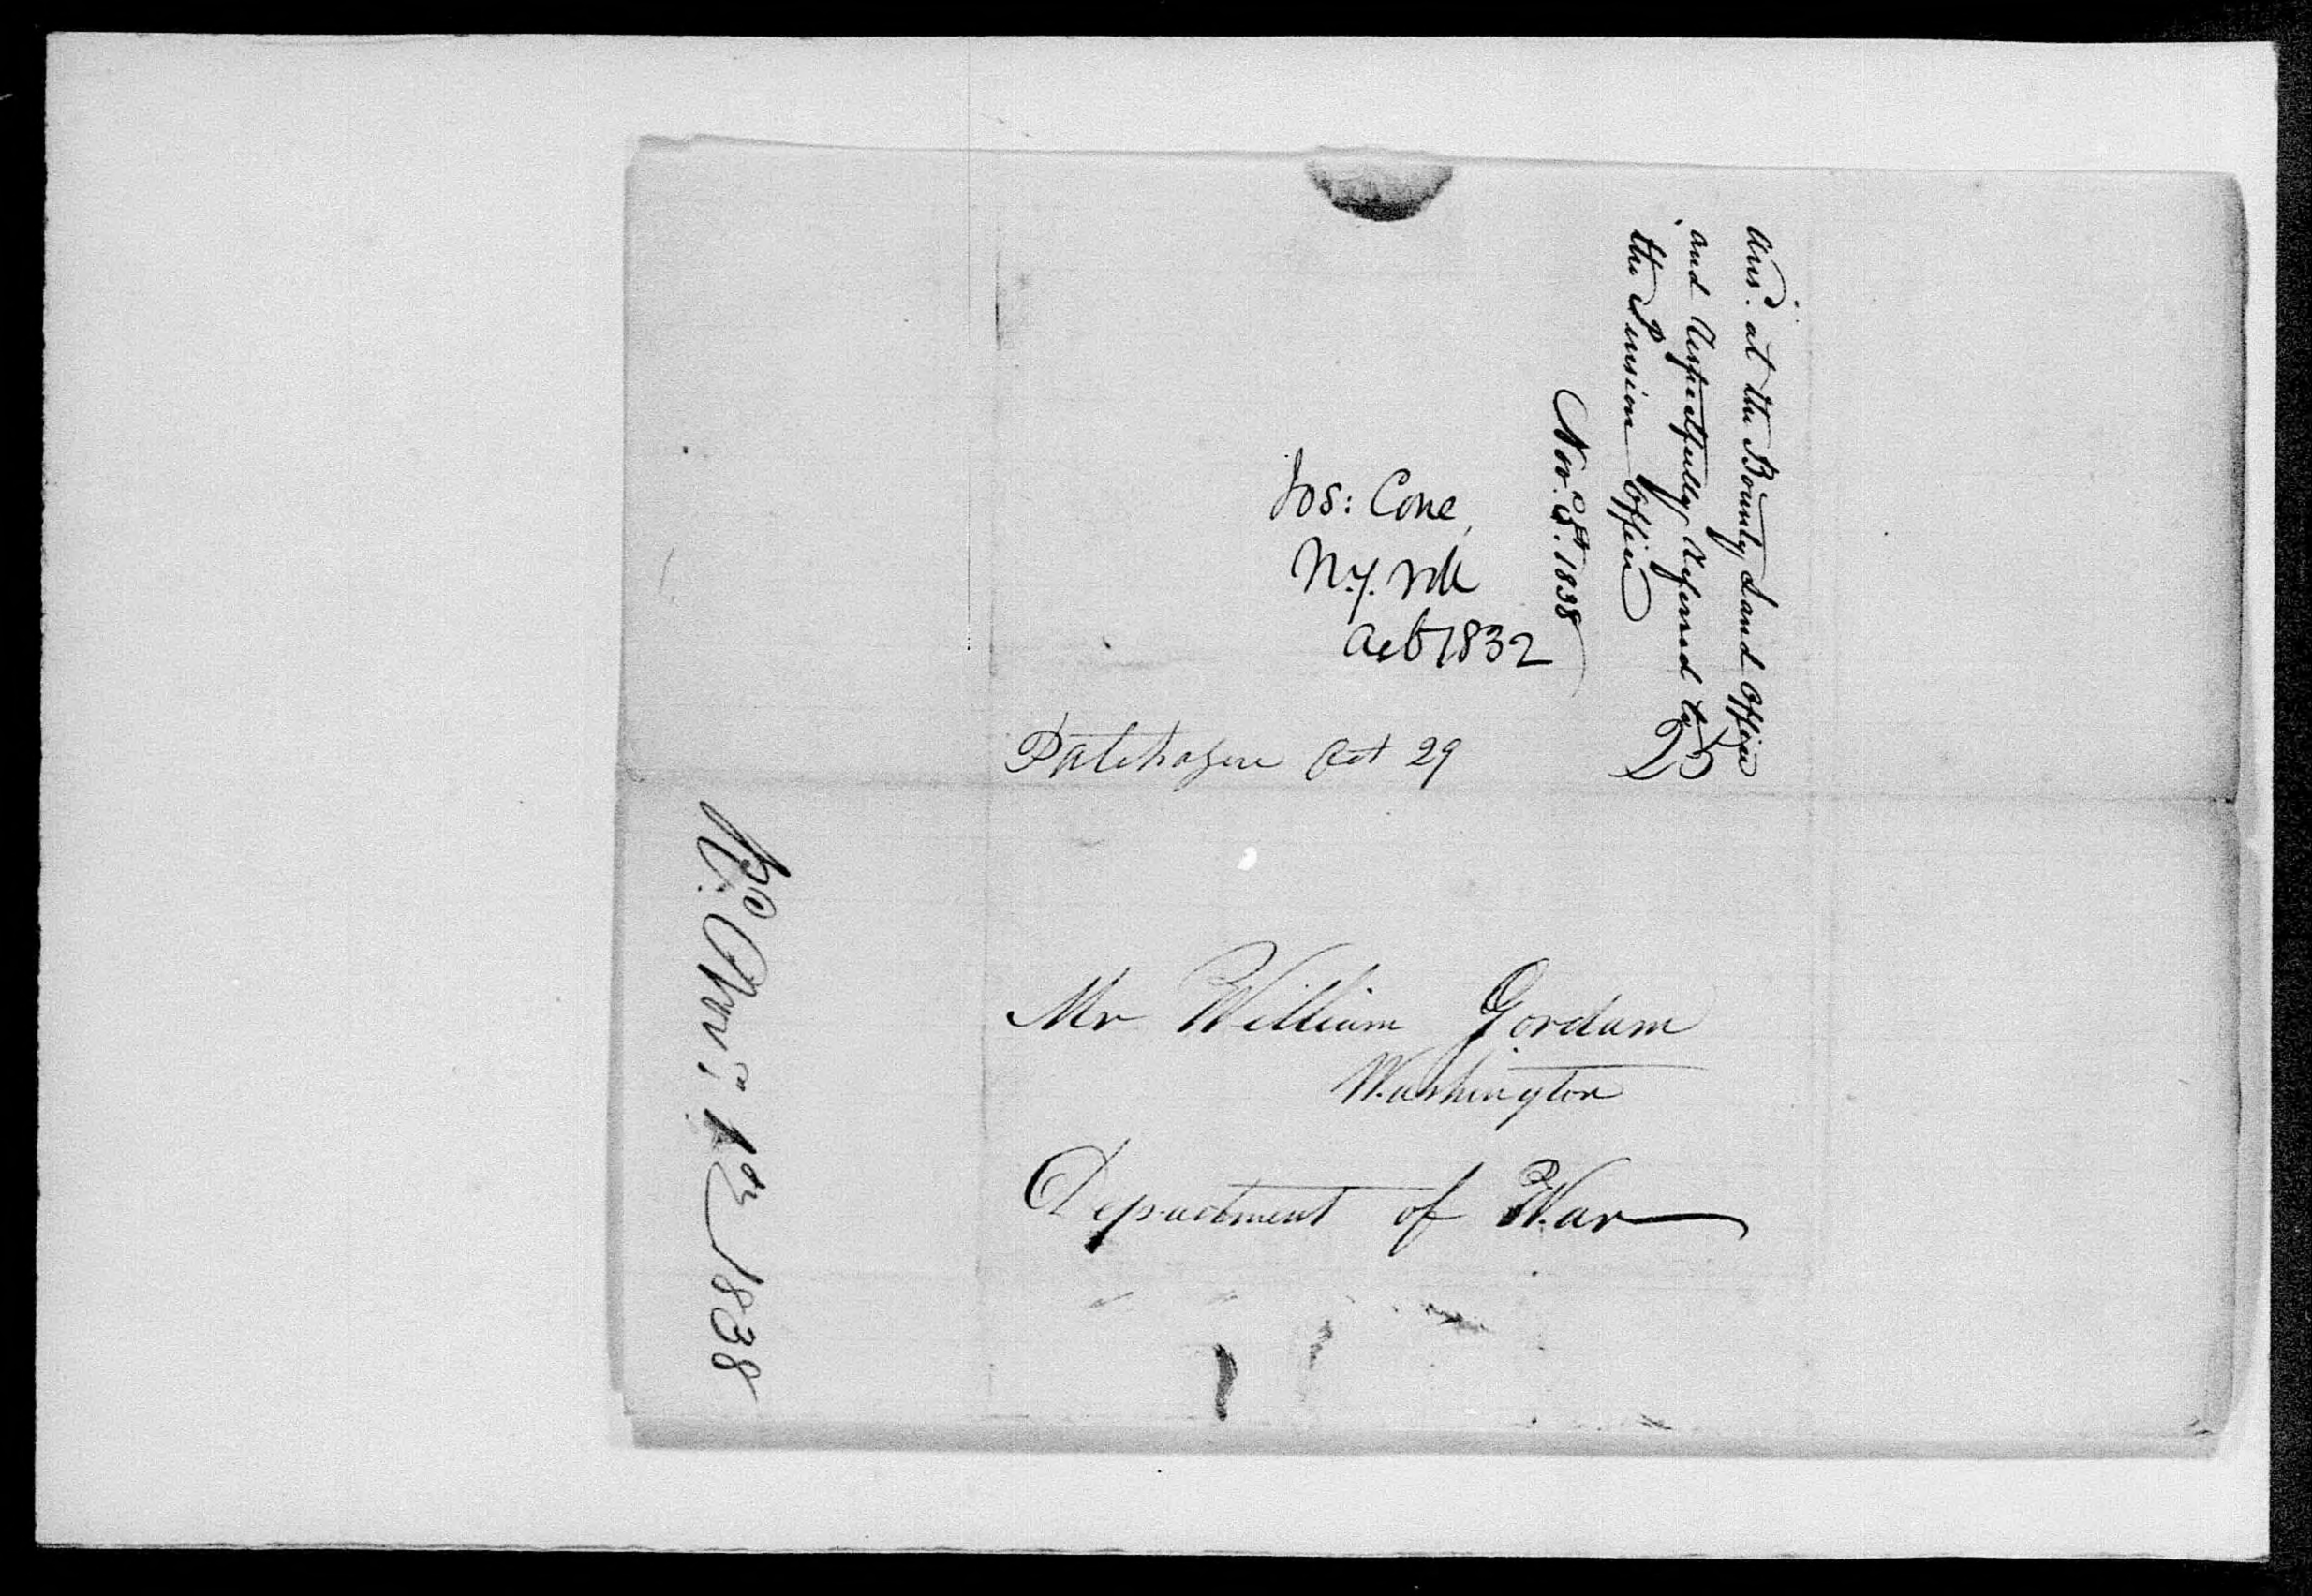[sideways down right side] amd. at the Bounty Land Office and Respectfully referred to the Pension Office
Nov. 5th 1838

Jos: Cone,
N. Y. roll
Act 1832

Patchogue Oct 29

Mr William Gordam
Washington
Department of War

[sideways down left side] Rd. Nov. 1st 1838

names: William Gordam, Jos Cone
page: 19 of 28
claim: survivor's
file: S. 12569, Joseph Cone, Conn Continental